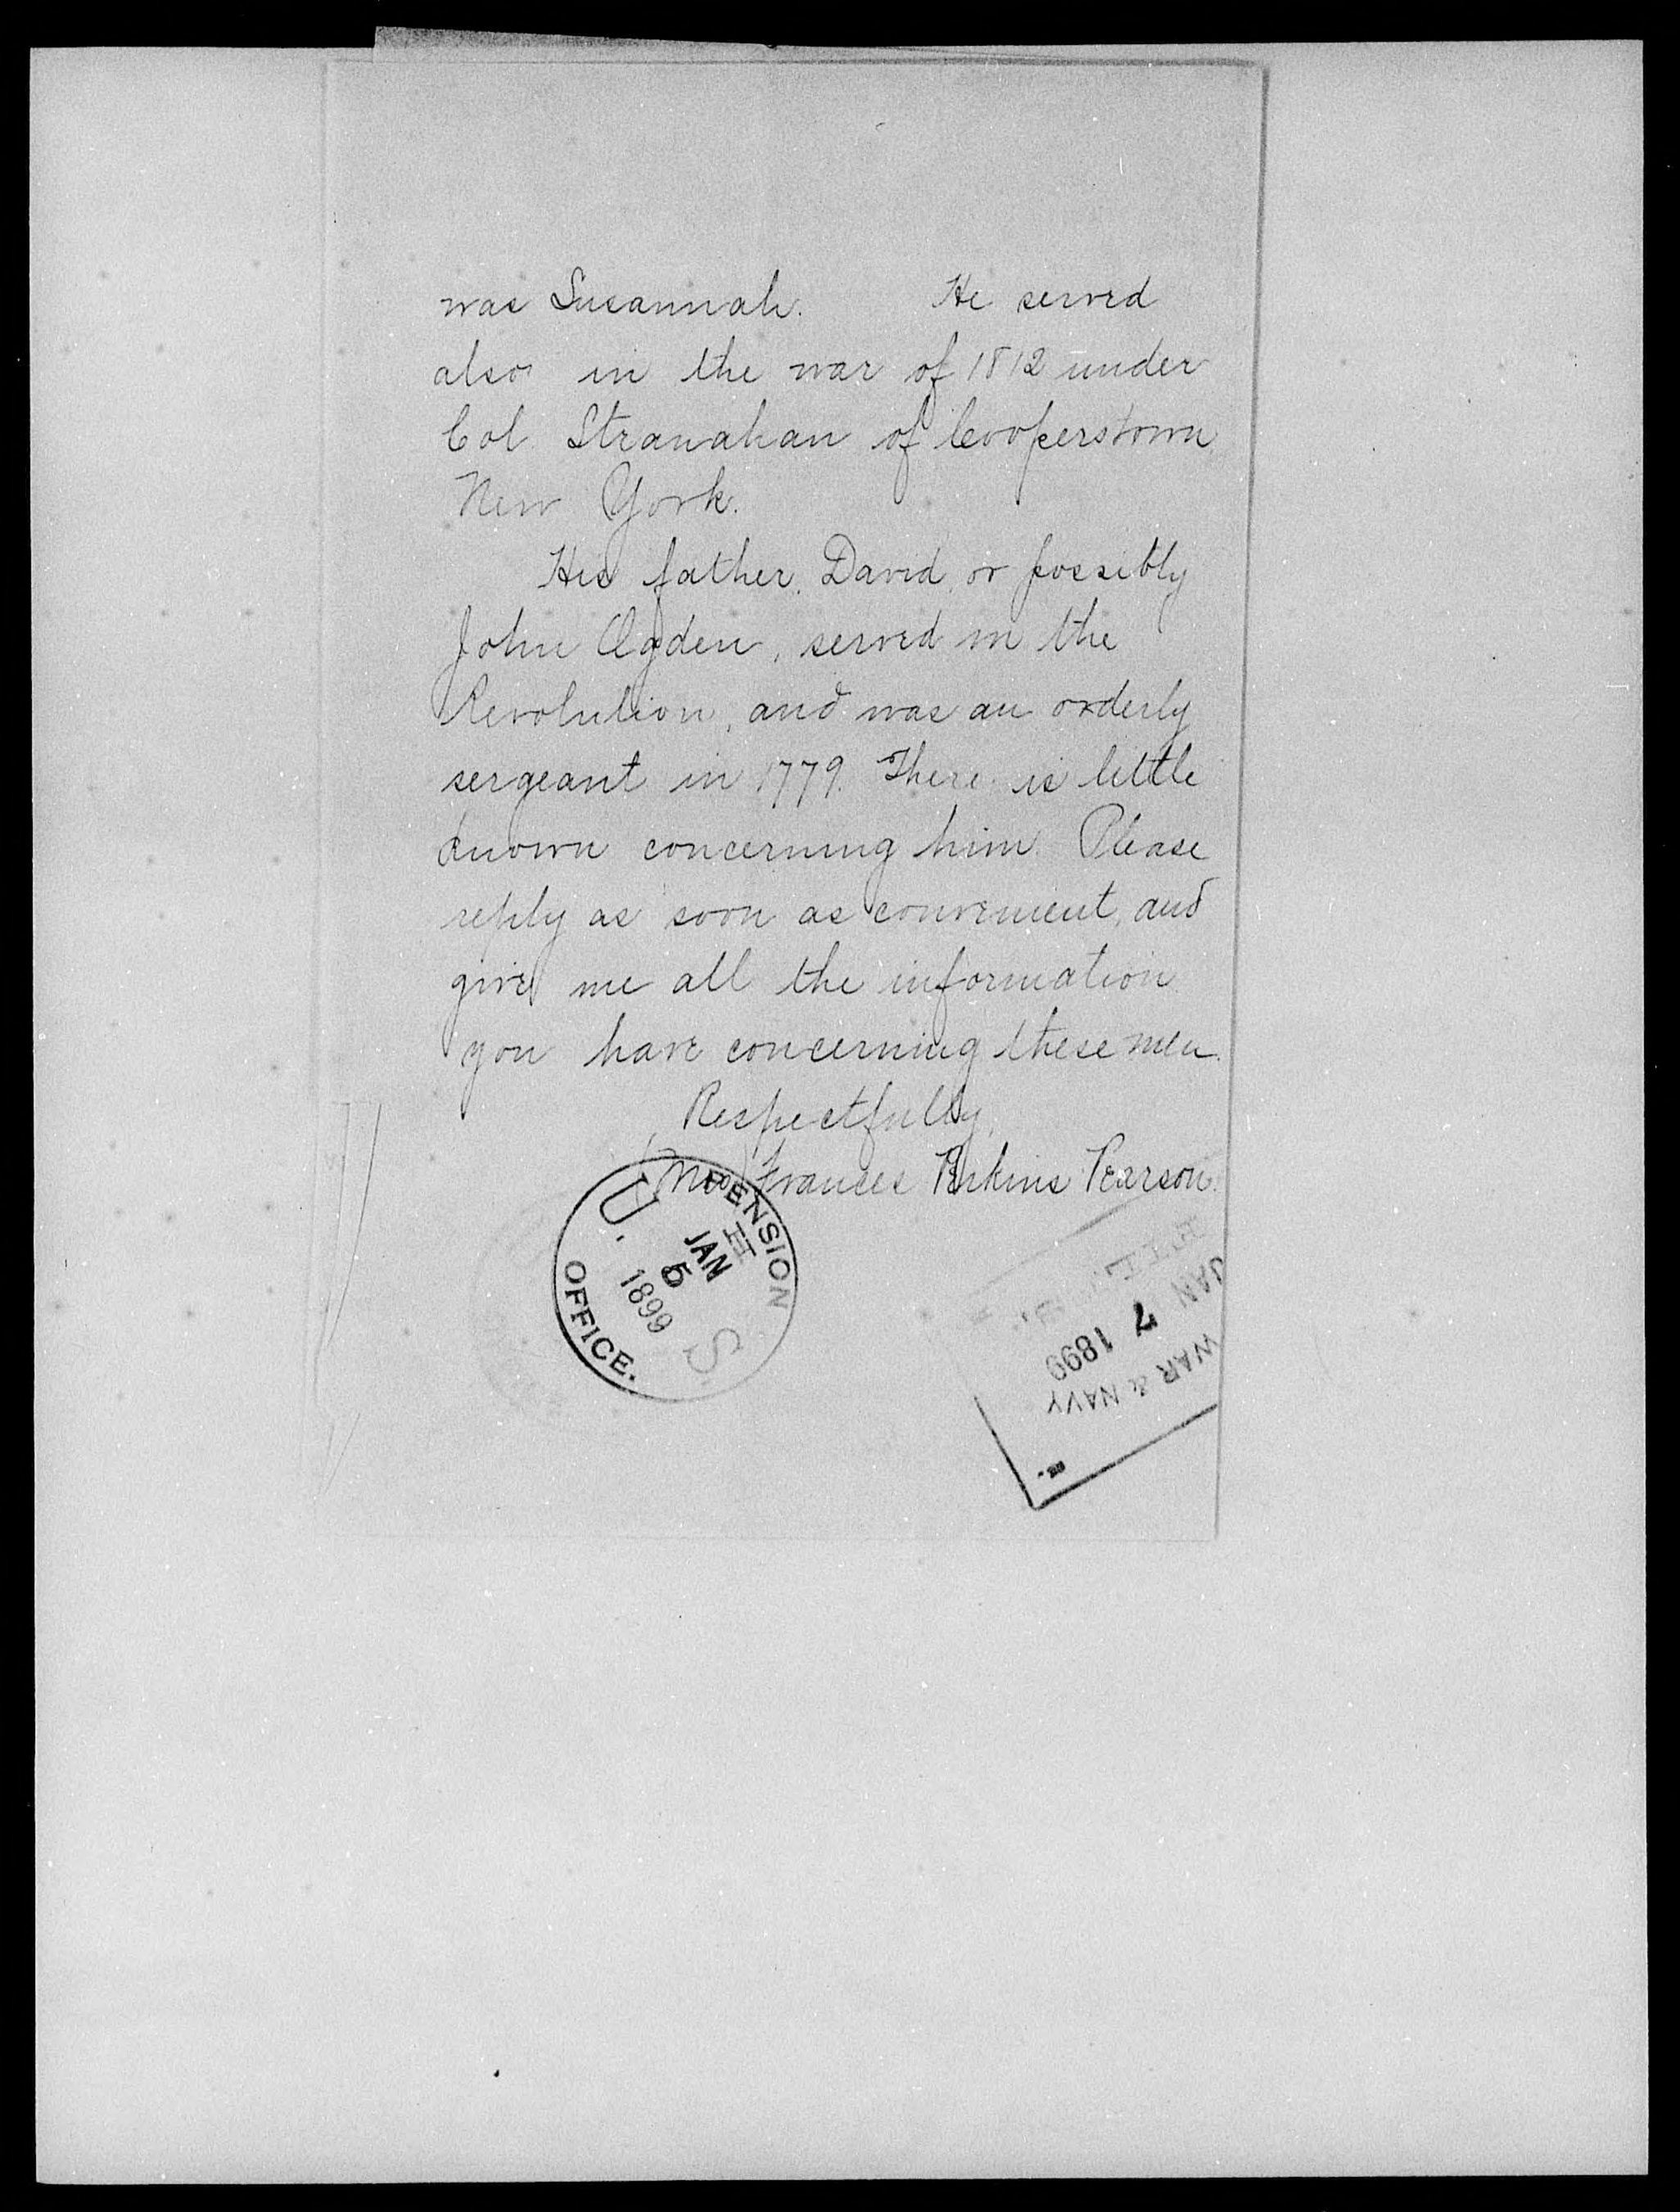was Susannah.  He served
also in the war of 1812 under
Col. Stranahan of Cooperstown
New York.

His father David or possibly
John Ogden, served in the
Revolution, and was an orderly
sergeant in 1779.  There is little
known concerning him.  Please
reply as soon as convenient, and
give me all the information
you have concerning these men.

Respectfully
Frances Perkins Pearson

[Round date stamp] JAN 5 1899 U. S. PENSION OFFICE H

[upside-down rectangular date stamp] WAR & NAVY JAN 7 1899 FIL [illegible]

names: John Ogden; [BLANK] Stranahan; Frances Perkins Pearson; Susannah [BLANK]; David Ogden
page: 39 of 40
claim: widow's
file: W. 24364, for David Ogden, New York